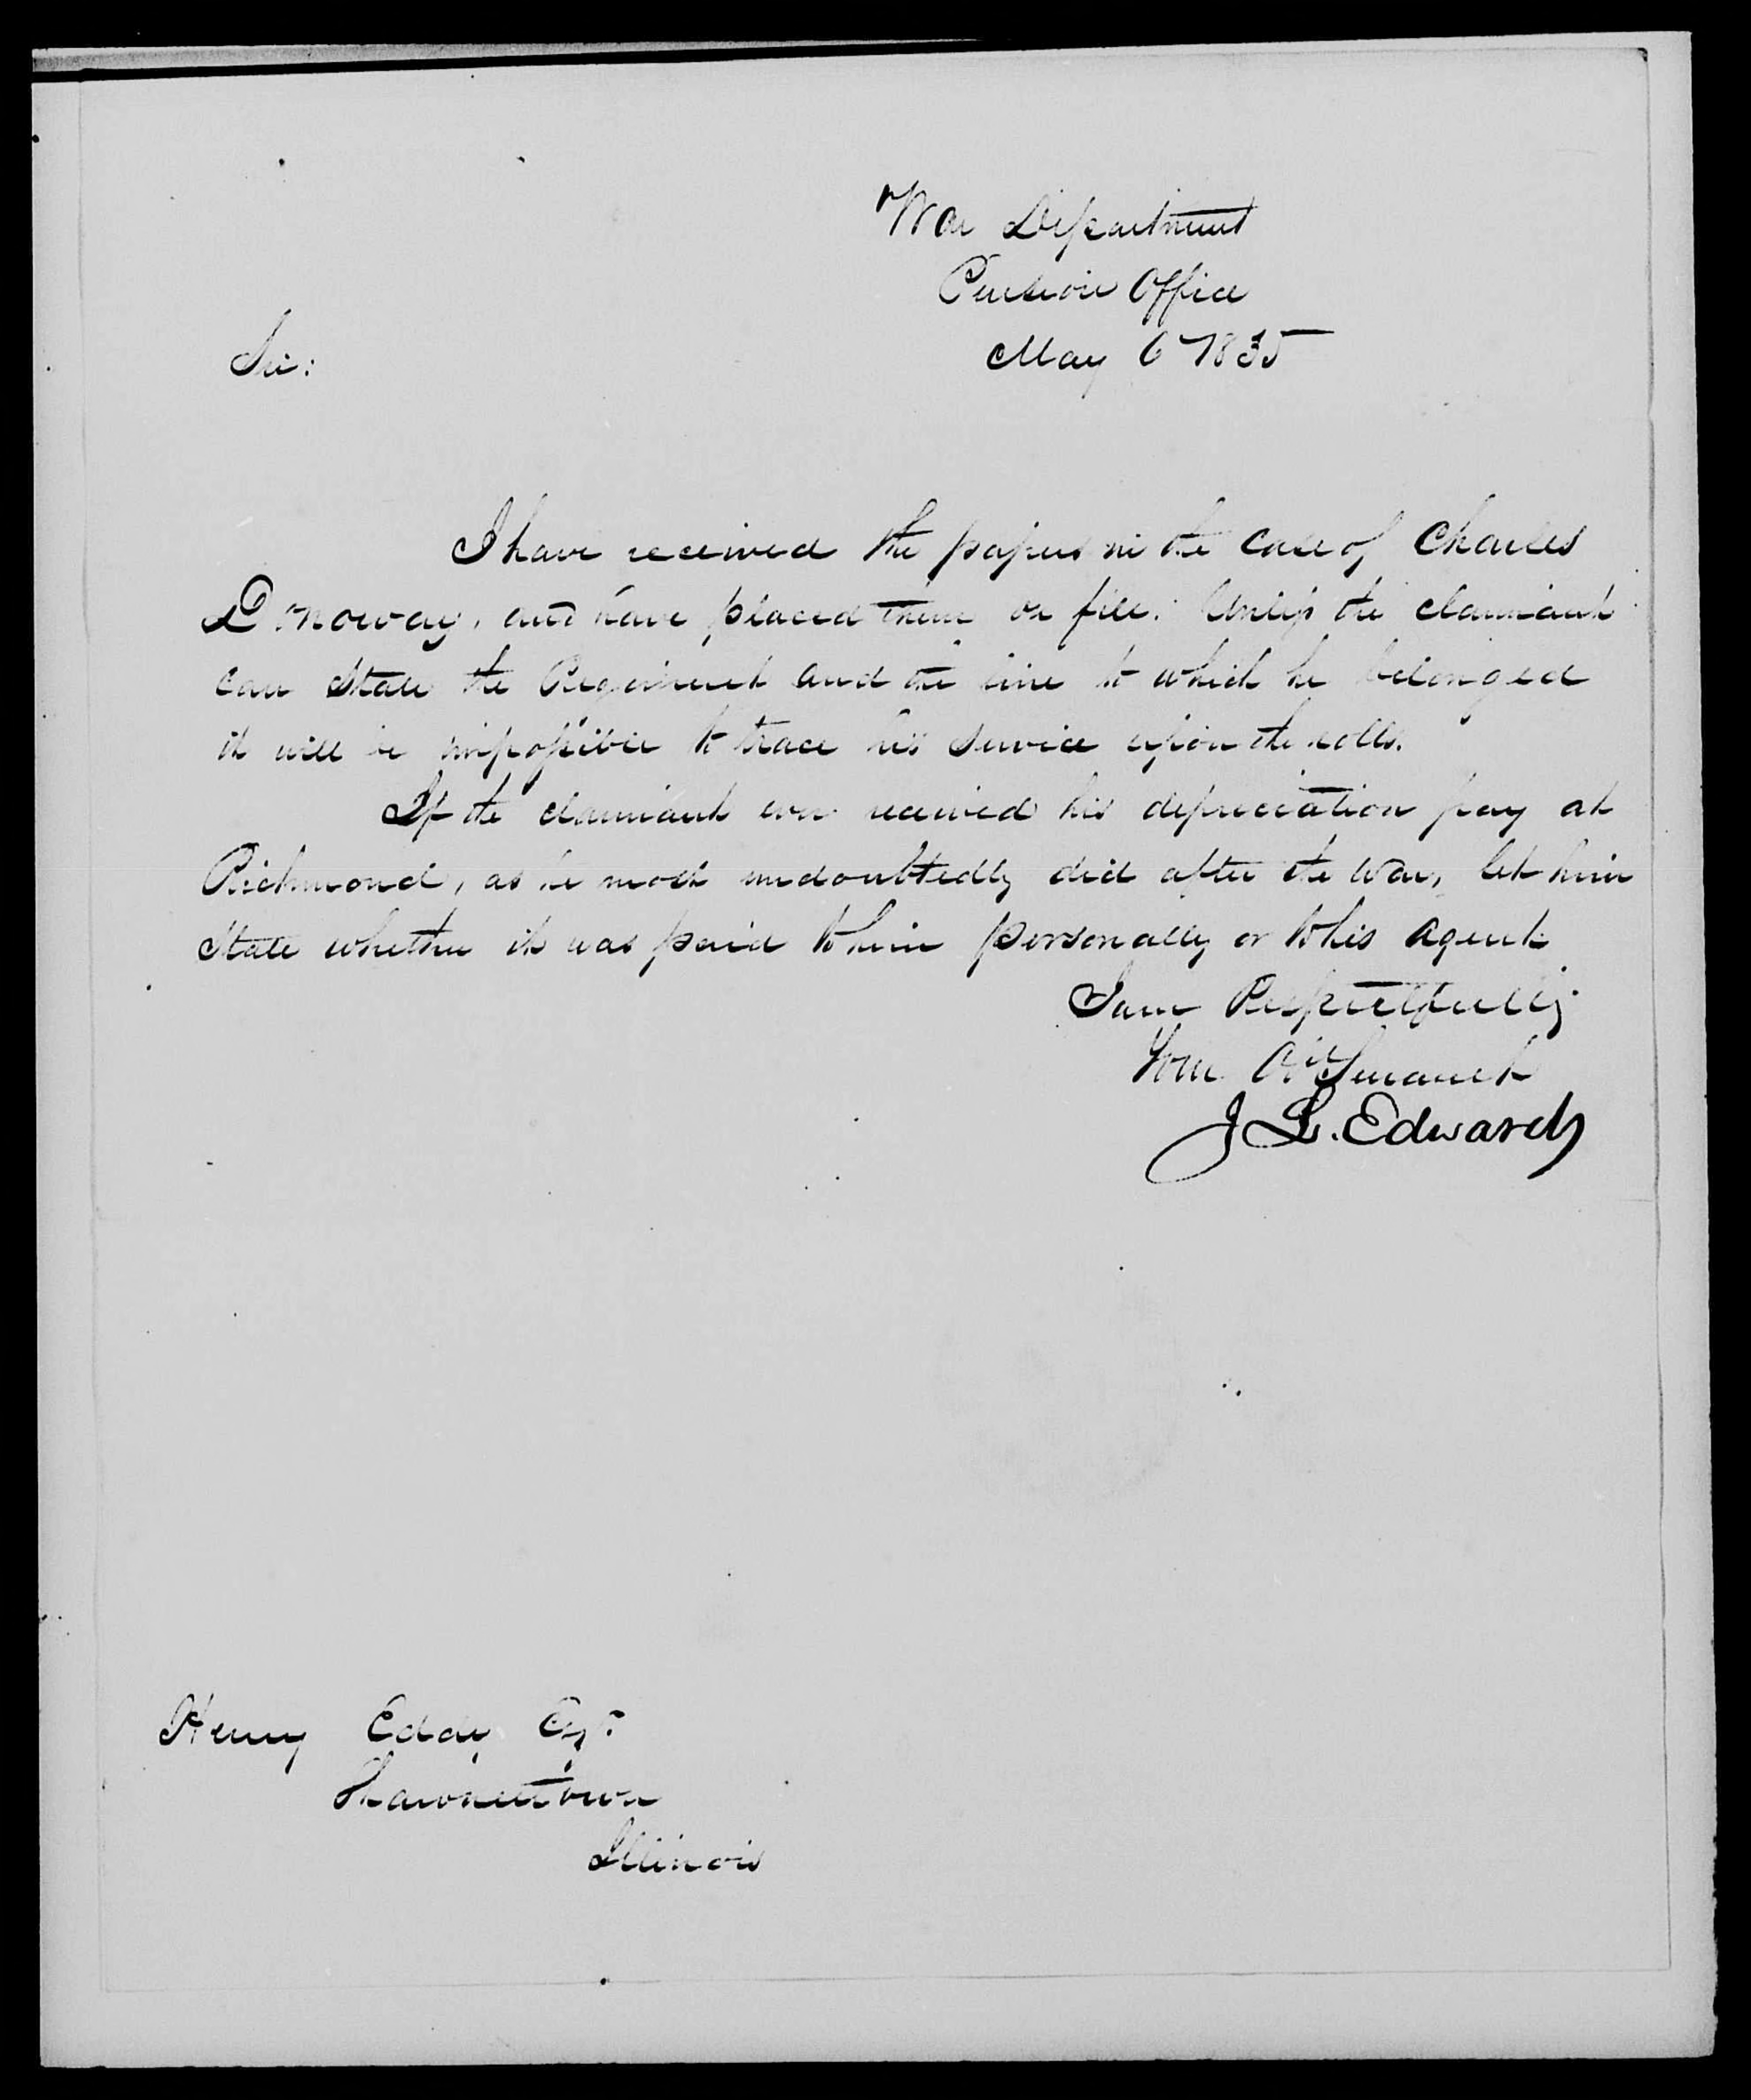War Department
Pension Office
May 6 1835
Sir:
I have received the papers in the case of Charles Donoway, and have placed them on file. Unless the claimant can State the Regiment and the line to which he belonged it will be impossible to trace his Service upon the rolls.
If the claimant ever received his depreciation pay at Richmond, as he most undoubtedly did after the war, let him State whether it was paid to him personally or to his agent
I am Respectfully
Your Ob. Servant
J L. Edwards
Henry Eddy Esq.
Shawneetown
Illinois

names: Charles Donoway, Susanah, Henry Eddy, J L Edwards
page: 20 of 29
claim: rejected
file: R. 3010, Charles Donaway, Va.